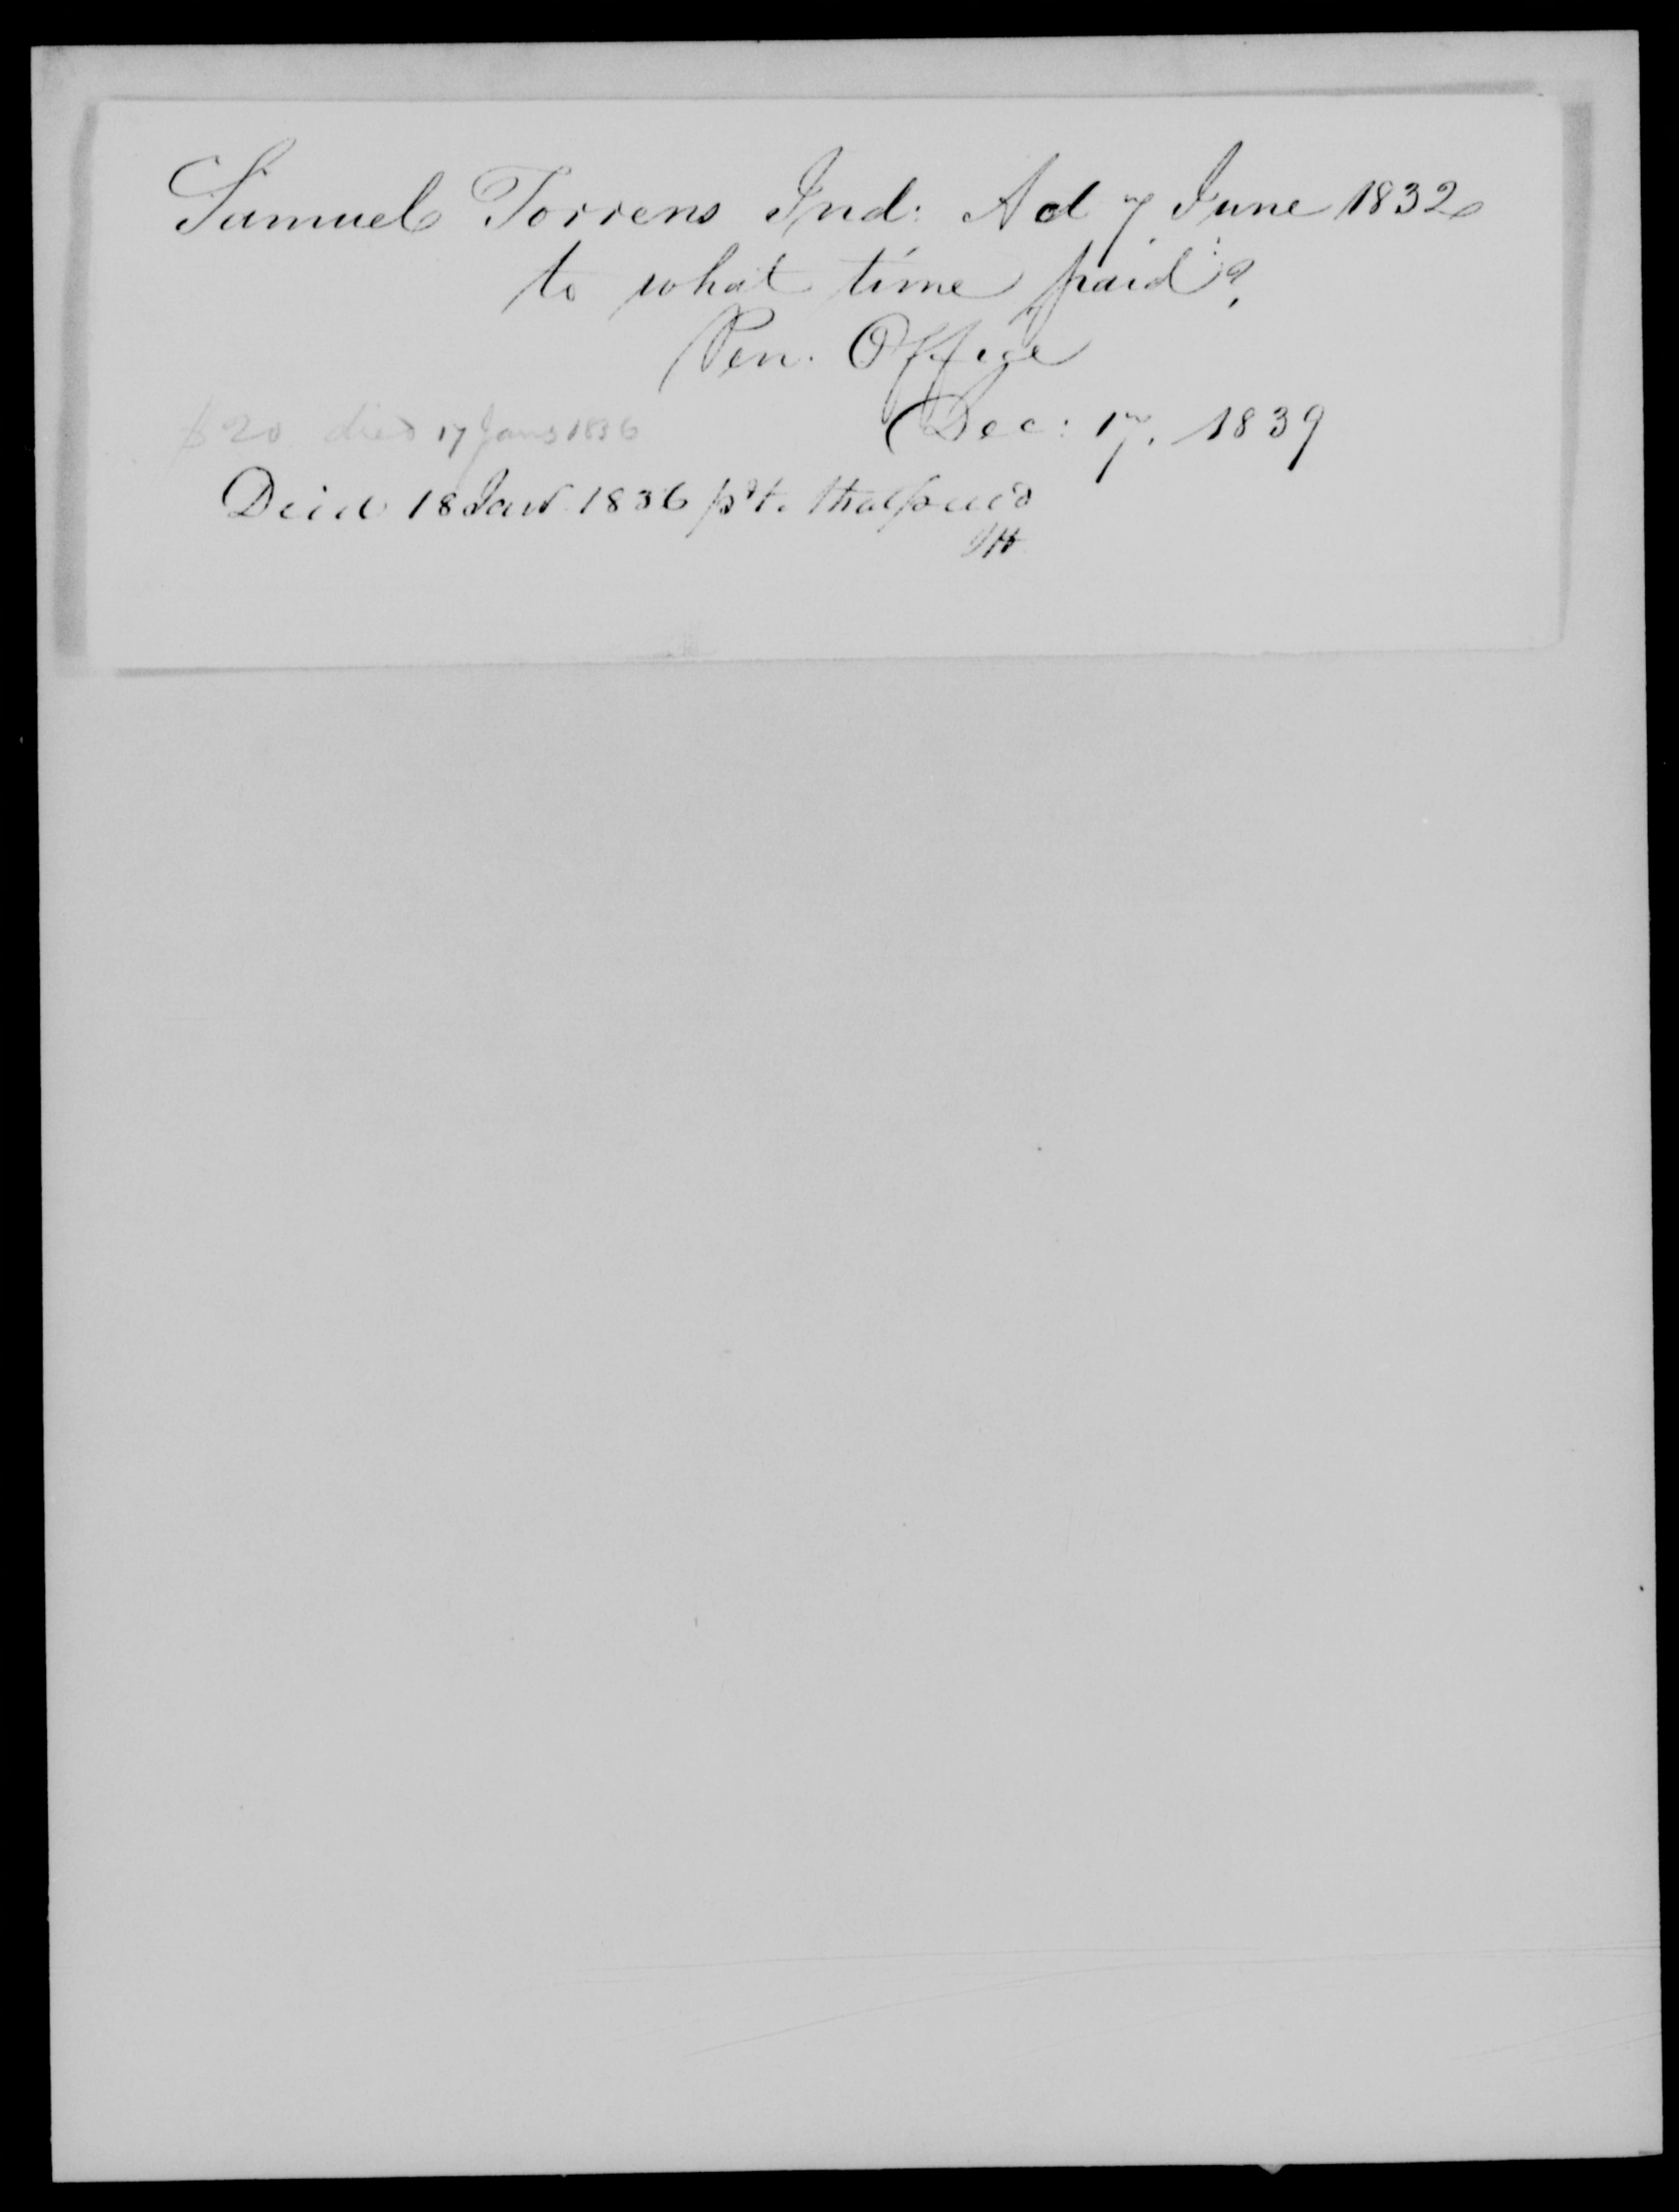Samuel Torrens Ind: Act 7 June 1832
to what time paid?
Pen. Office
$20 died 17 Jany 1836 Dec: 17, 1839
Died 18 Jany. 1836 pd to that period
JH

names: Samuel Torrens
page: 3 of 27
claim: widow's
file: W. 9860, Samuel Torrons, Va.